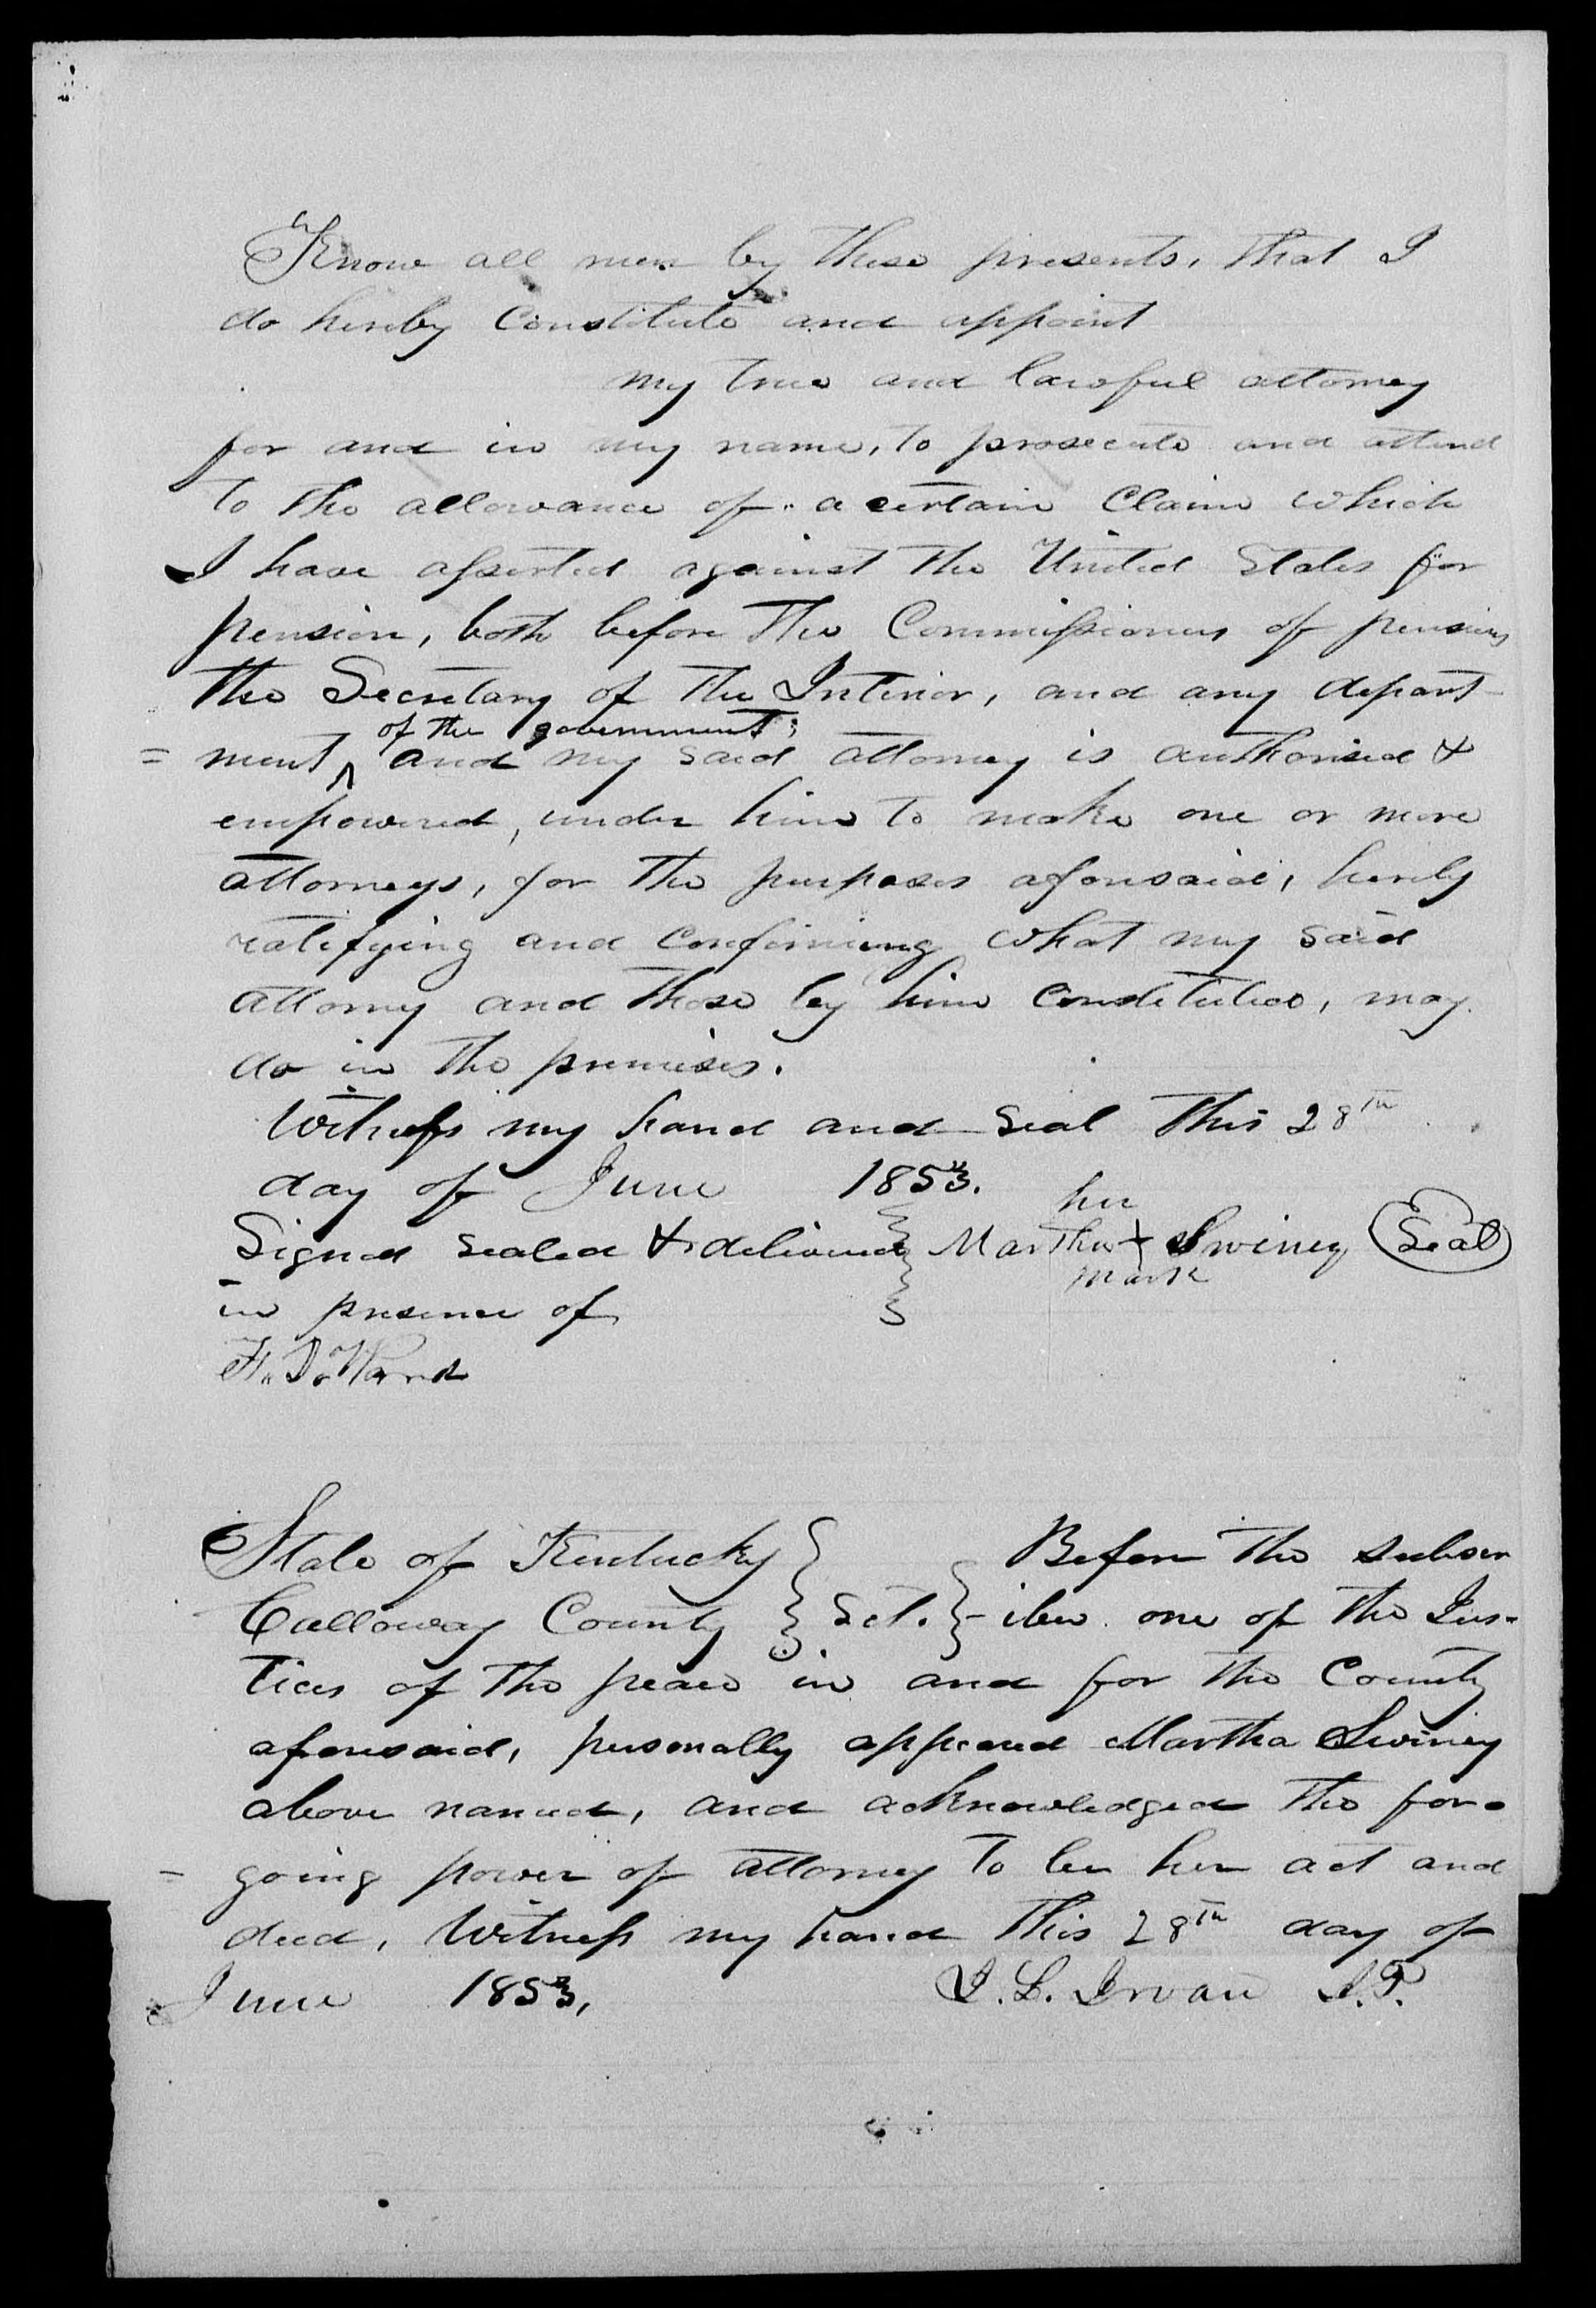Know all men by these presents that I do hereby constitute and appoint [blank] my true and lawful attorney for and in my name to prosecute and attend to the allowance of a certain claim which I have asserted against the United States for pension, both before the commissioners of pensions, the Secretary of the Interior and any department of the government; and my said attorney is authorized and empowered under him to make one or more attorneys for the purposes aforesaid hereby ratifying and confirming what my said attorney and those by him constituted may do in the premises.

Witness my hand and seal this 28th day of June 1853
Signed sealed and delivered in presence of F D Ward

Martha Swiney - SEAL
Her X Mark

State of Kentucky
Calloway County

Before the subscriber one of the Justices of the Peace in and for the county aforesaid, personally appeared Martha Swiney above named and acknowledged the foregoing power of attorney to be her act and deed witness my hand this 28th day of June 1853

J L Irvan JP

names: Martha Swiney, Martha Swiney, F D Ward, J L Irvan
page: 37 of 51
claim: widow's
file: W. 27,409, William Dunnington, Md.